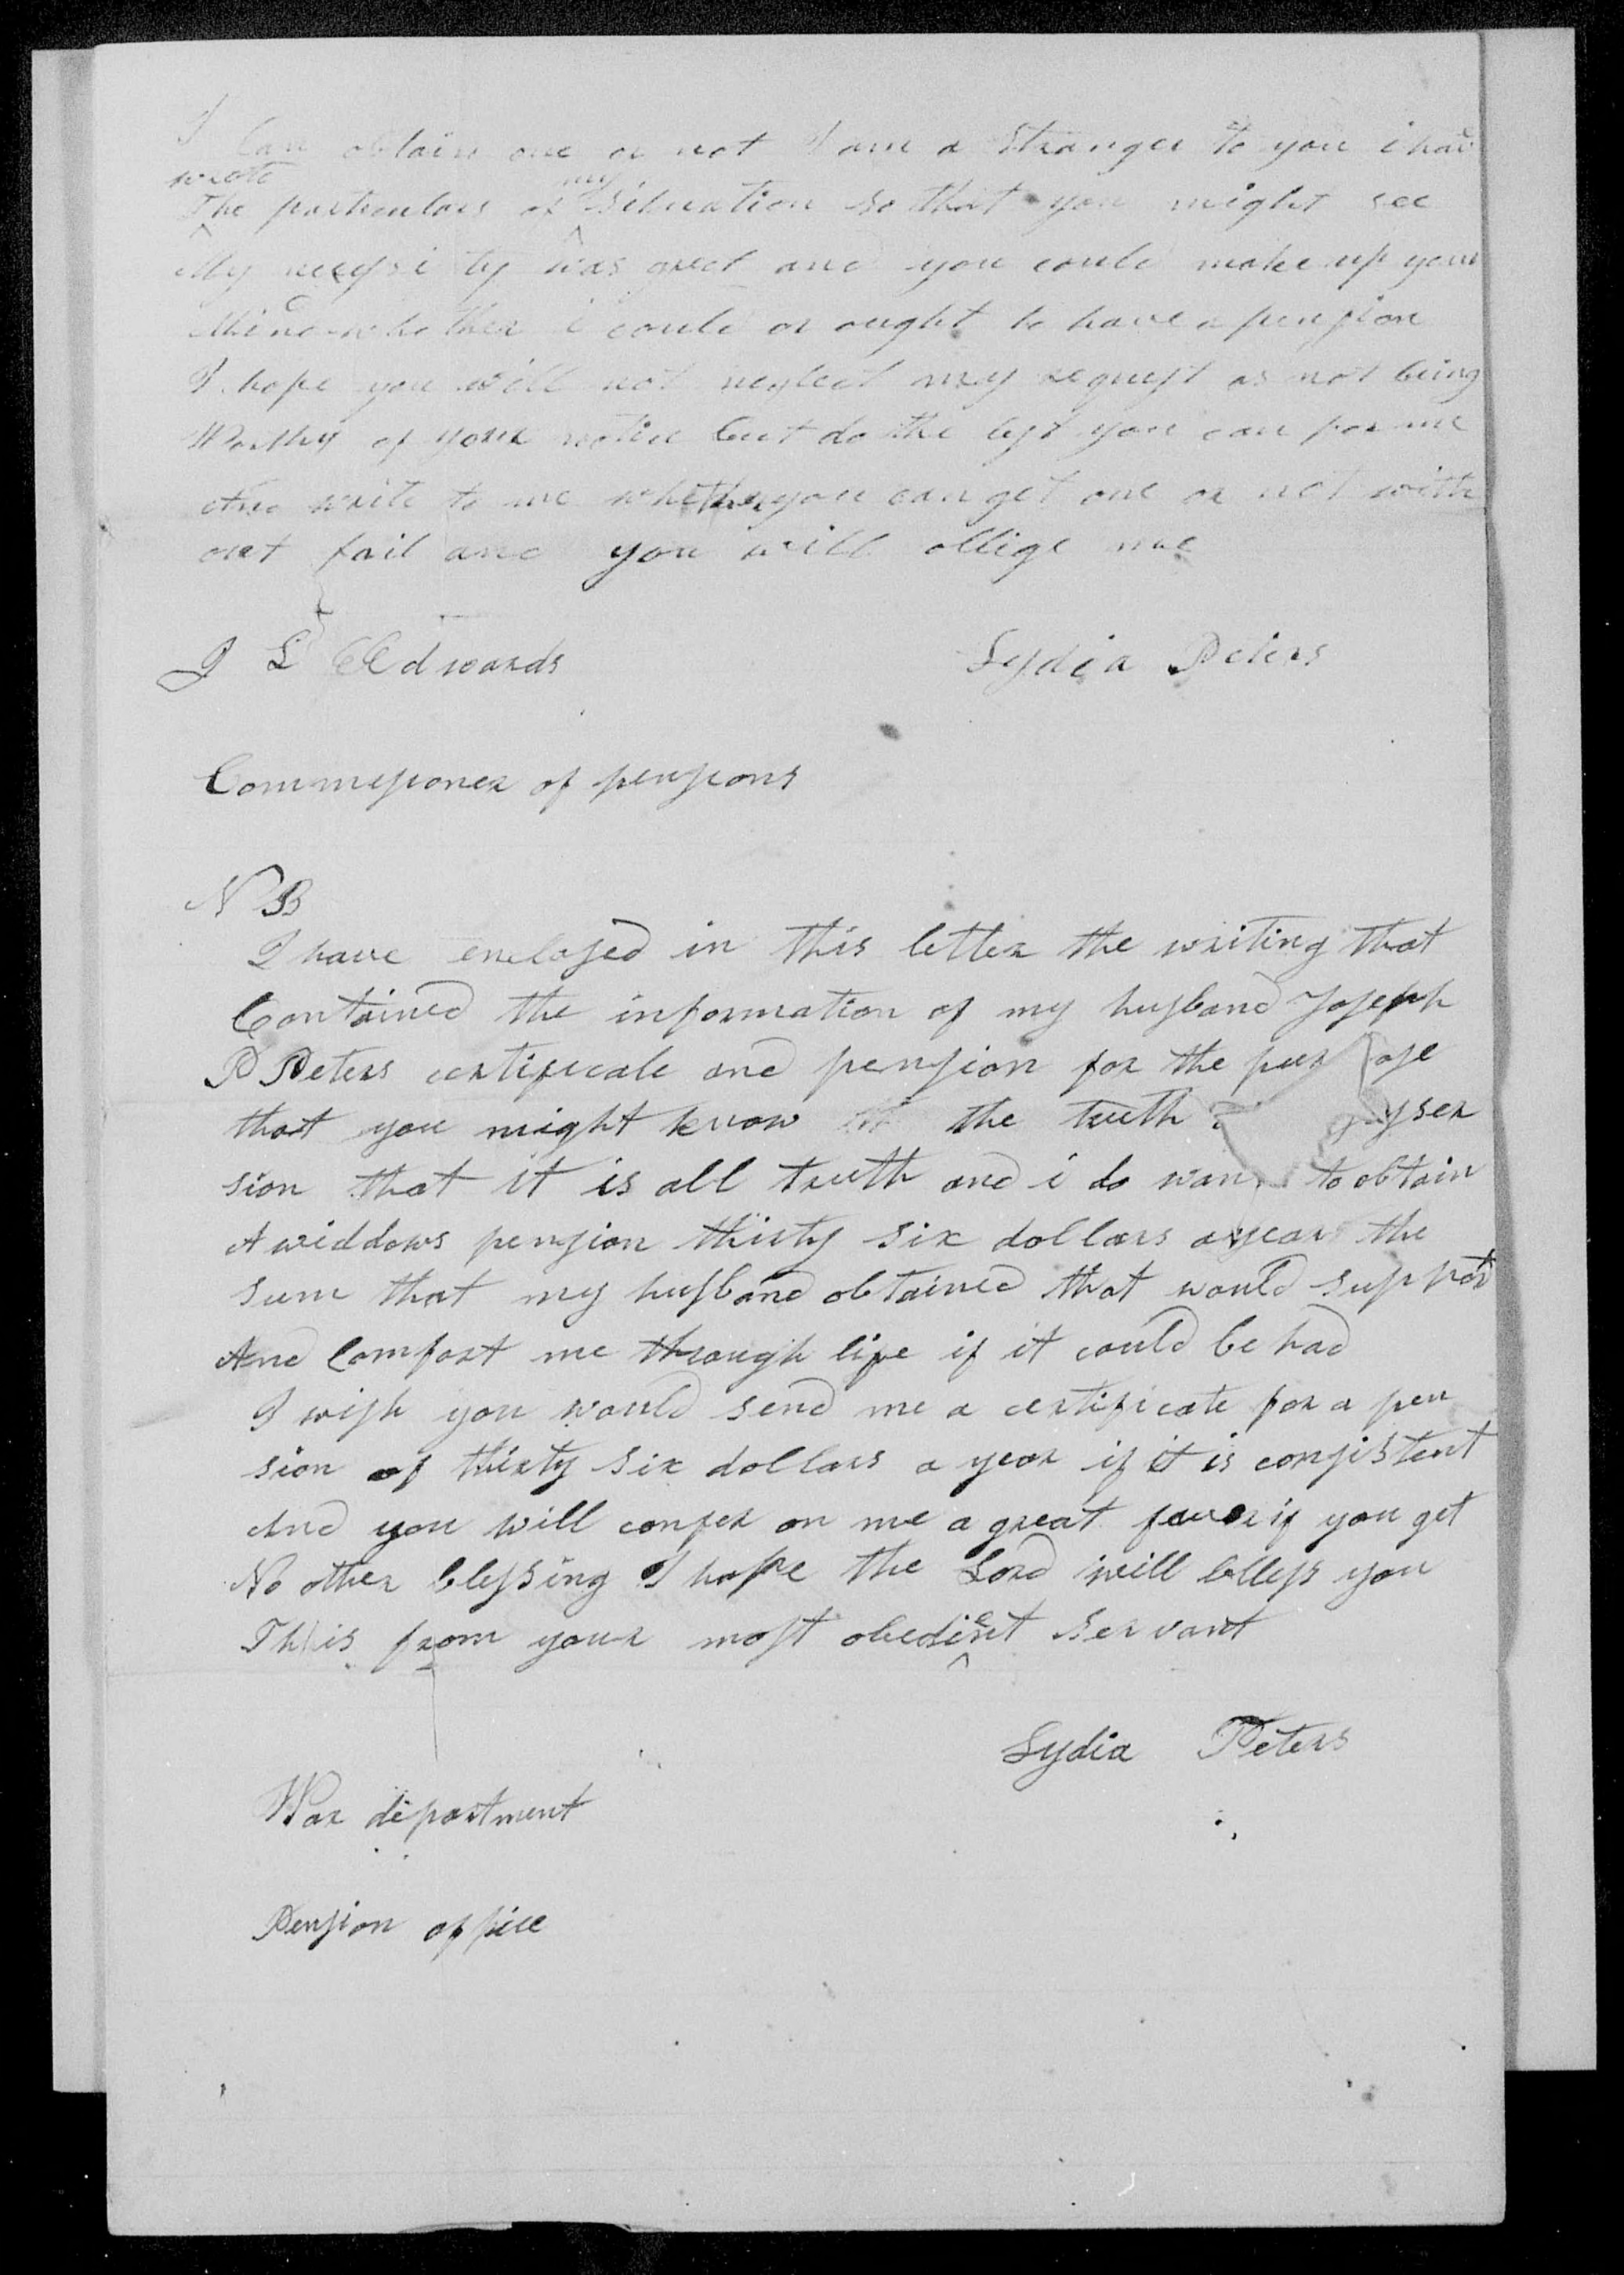I can obtain one or not.  I am a stranger to you.  I had to state the particulars of my situation so that you might see my necessity was great and you could make up your mind whether I could or ought to have a pension.   I hope you will not neglect my request as not being worthy of your notice but do the best you can for me. And write to me whether you can get one or not with out fail and you will oblige me. 
Lydia Peters
J L Edwards  
Commissioner of Pensions 
N B I have enclosed in this letter the writing that Contained the information of my husband Joseph Peters certificate and pension for the purpose that you might know to the truth.  [unreadable] that it is all truth and I do want to obtain A widdows pension, thirty six dollars a year the sum that my husband obtained that would support And comfort me through life if it could be had.  I wish you would send me a certificate for a pension of thirty six dollars a year if it is consistent.  And you will confer on me a great favor if you get No other blessing I hope the Lord will bless you.  This from your most obedient Servant 
Lydia Peters 
War department 
Pension office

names: J L Edwards; Lydia Peters; Joseph P Peters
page: 28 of 73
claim: widow's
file: W. 2338, for Joseph P Peters, Connecticut